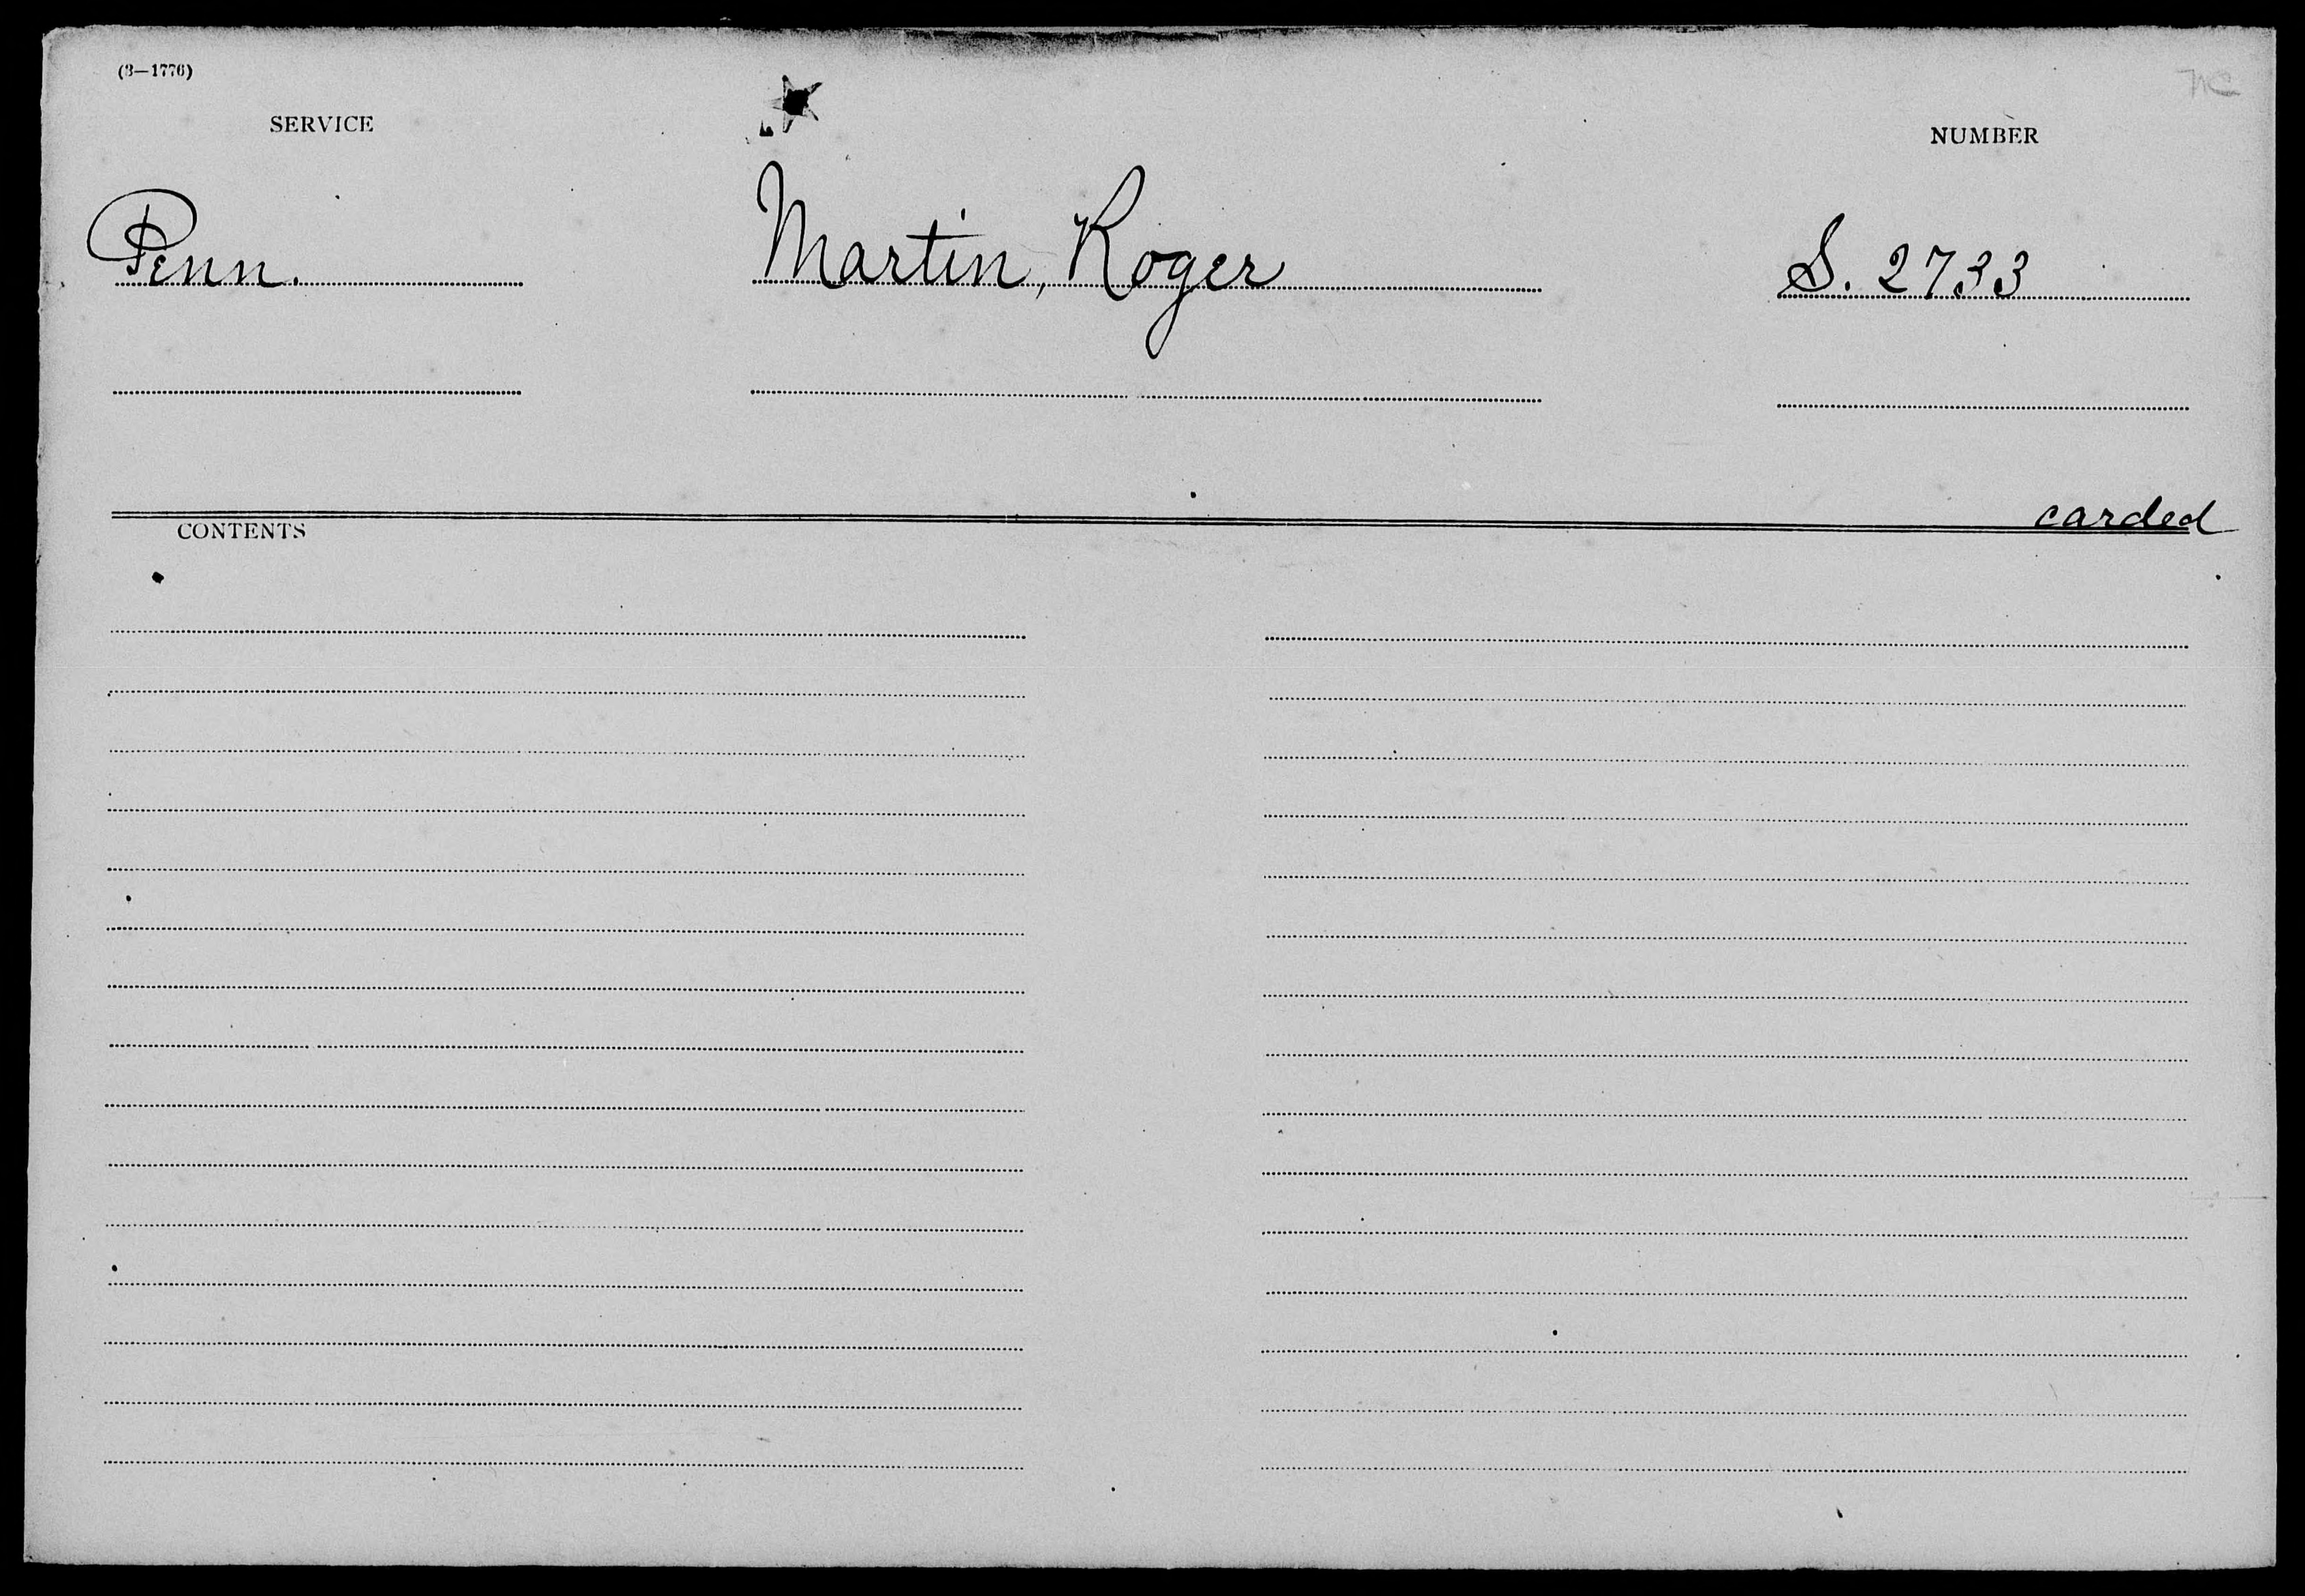Service                                  Number

Penn.         Martin, Roger     S. 2733
=================
Contents                                    carded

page: 1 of 12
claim: survivor's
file: S. 2733, for Roger Martin, Pennsylvania